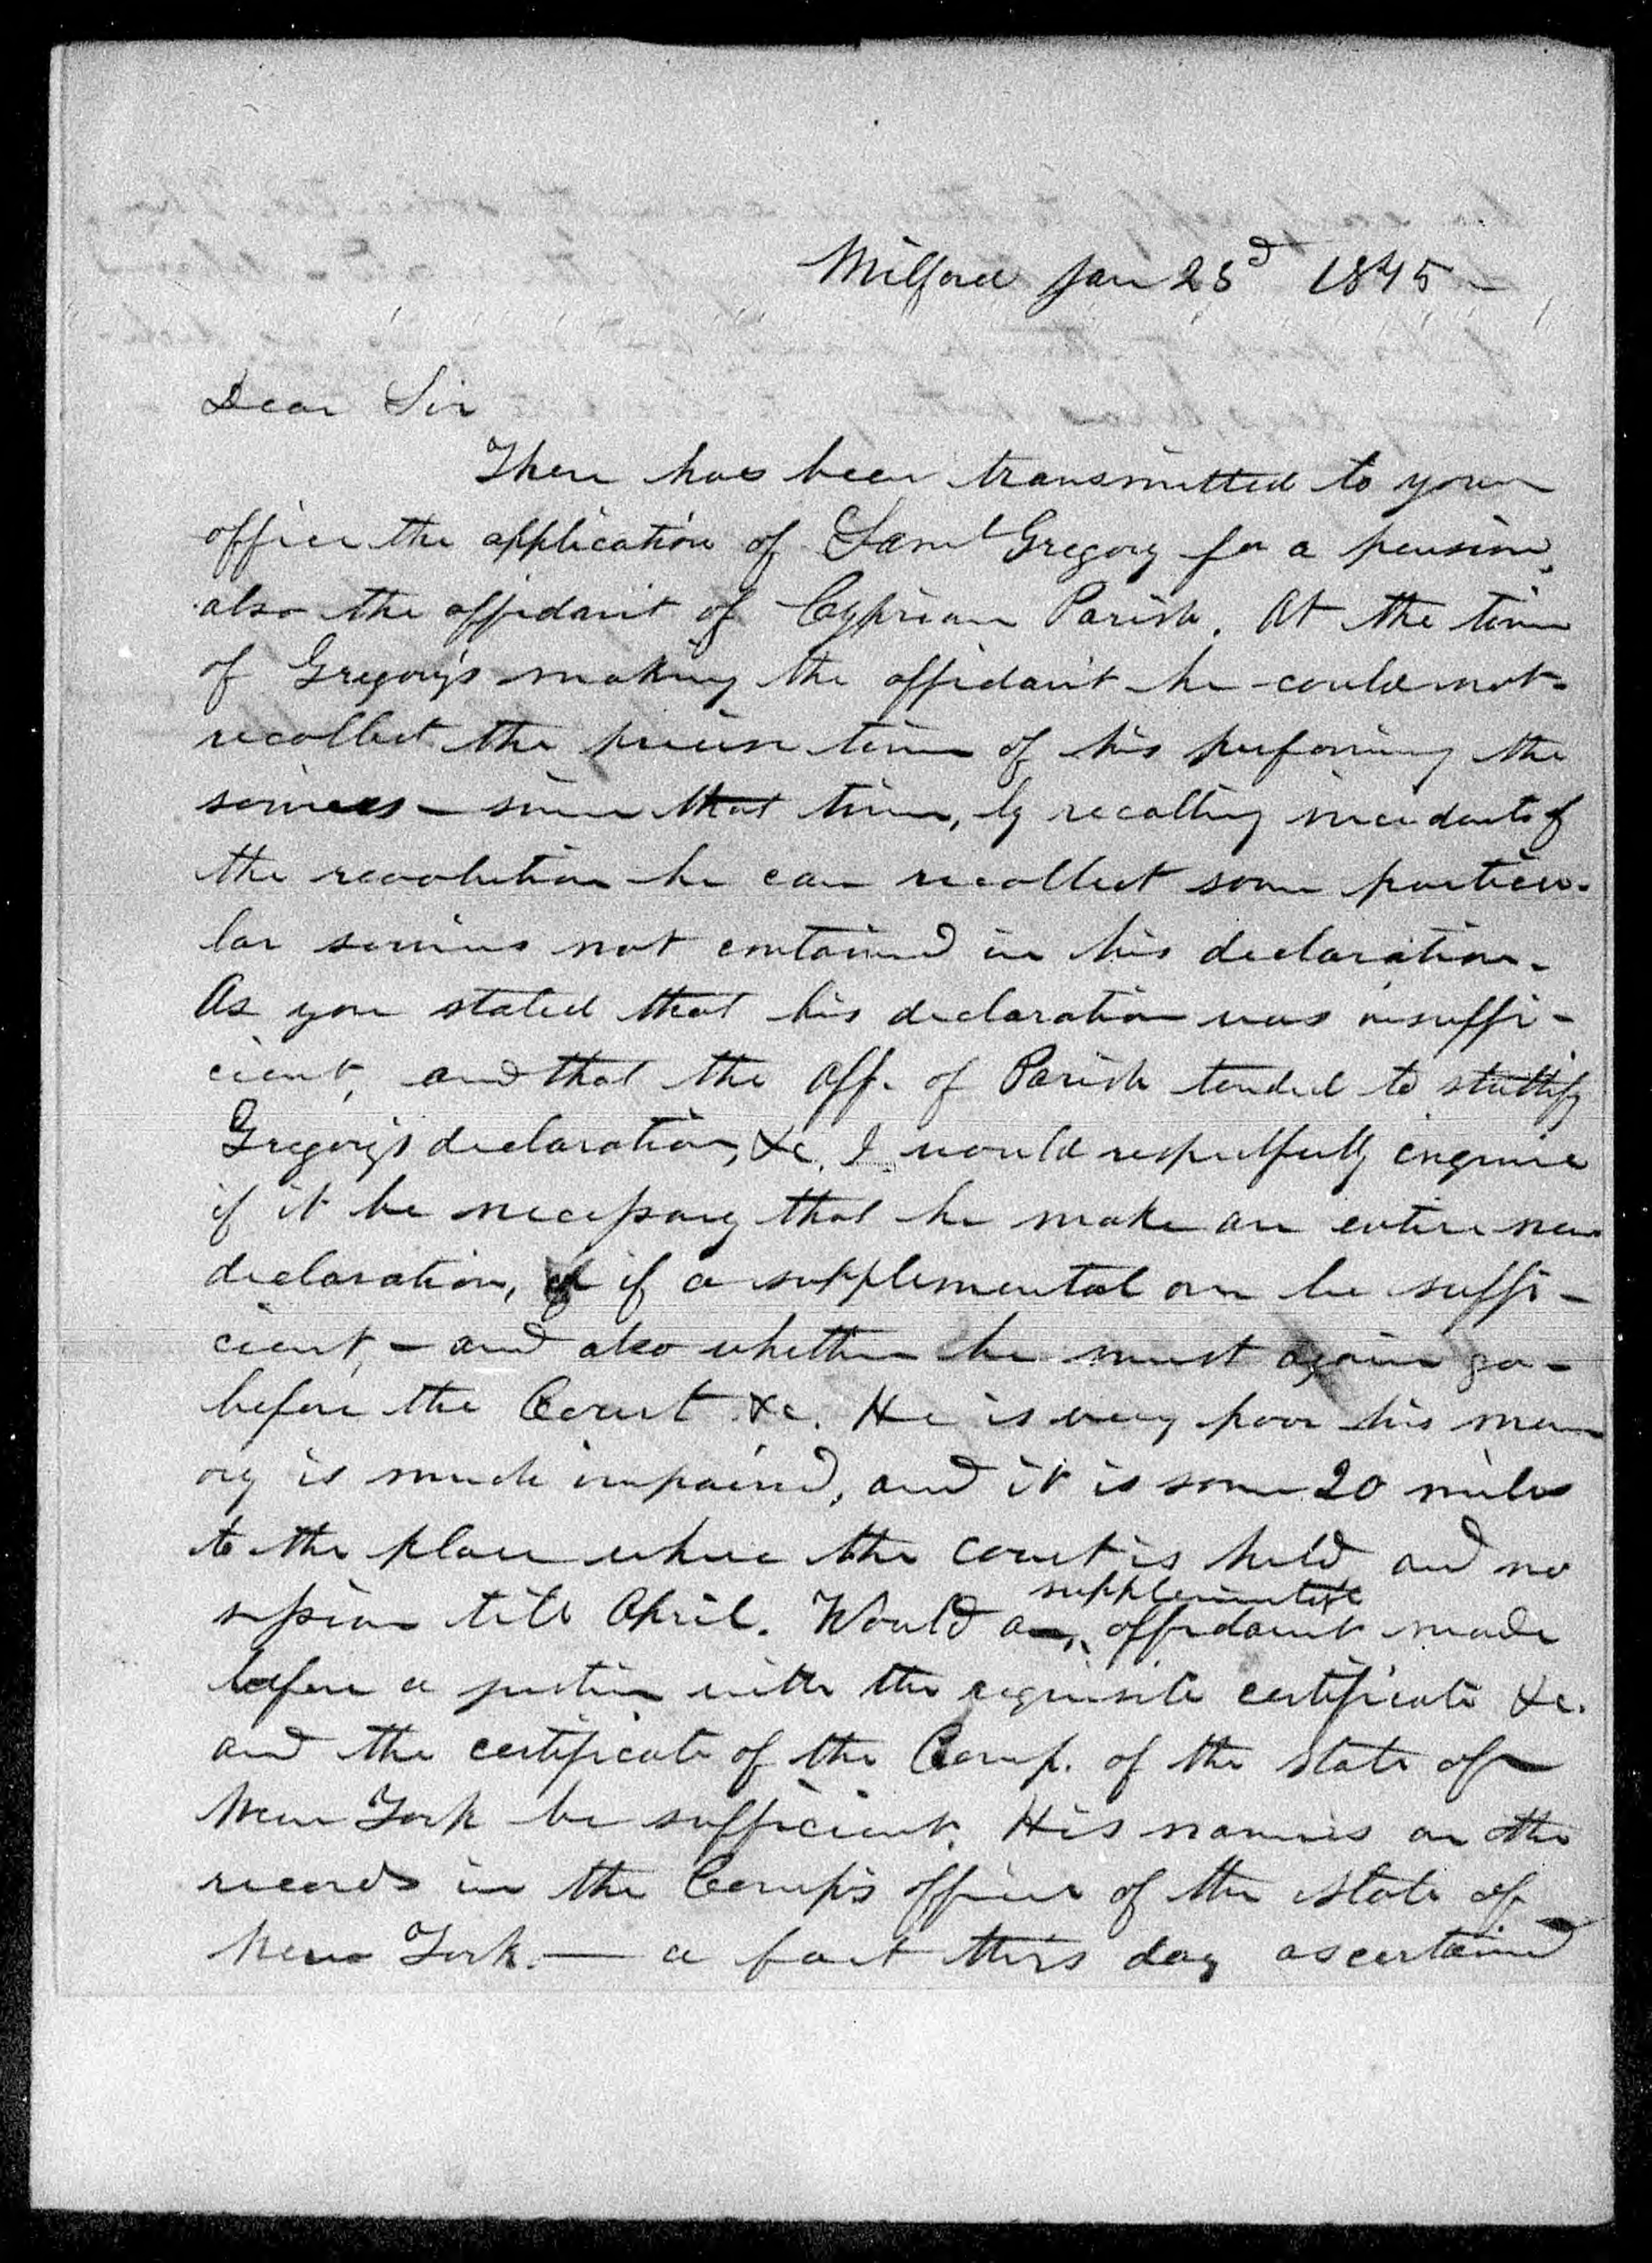Milforce Jan 25th 1845

Dear Sir

There has been transmitted to your office the application of Samuel Gregory a pension also the affidavit of Cyprian Parish. At the time of Gregory's making the affidavit he cannot recollect the precise time of his performing the services - since that time, by recalling incidents of the revolution he can recollect some particular services not contained in his declaration.  As you stated that his declaration was insufficient and that the aff. of Parish tendered to satisfy Gregory's declaration, & I would respectfully inquire if it be necessary that he make an entire new declaration, if a supplemental one be sufficient - and also whether he must again go before the court. He is very poor, his memory is much impaired, and it is some 20 miles to the place where the court is held and no opens till April. Would a supplemental affidavit made before a Justice with the requisite certificate & the certificate of the Cert of the State of New York be sufficient  His names on the record in the Comp's office of the State of New York. A fact this day ascertain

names: Gregory, Saml Gregory, Cyprian Parish, Parish, Gregory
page: 59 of 66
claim: rejected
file: R. 4298, Samuel Gregory, New York